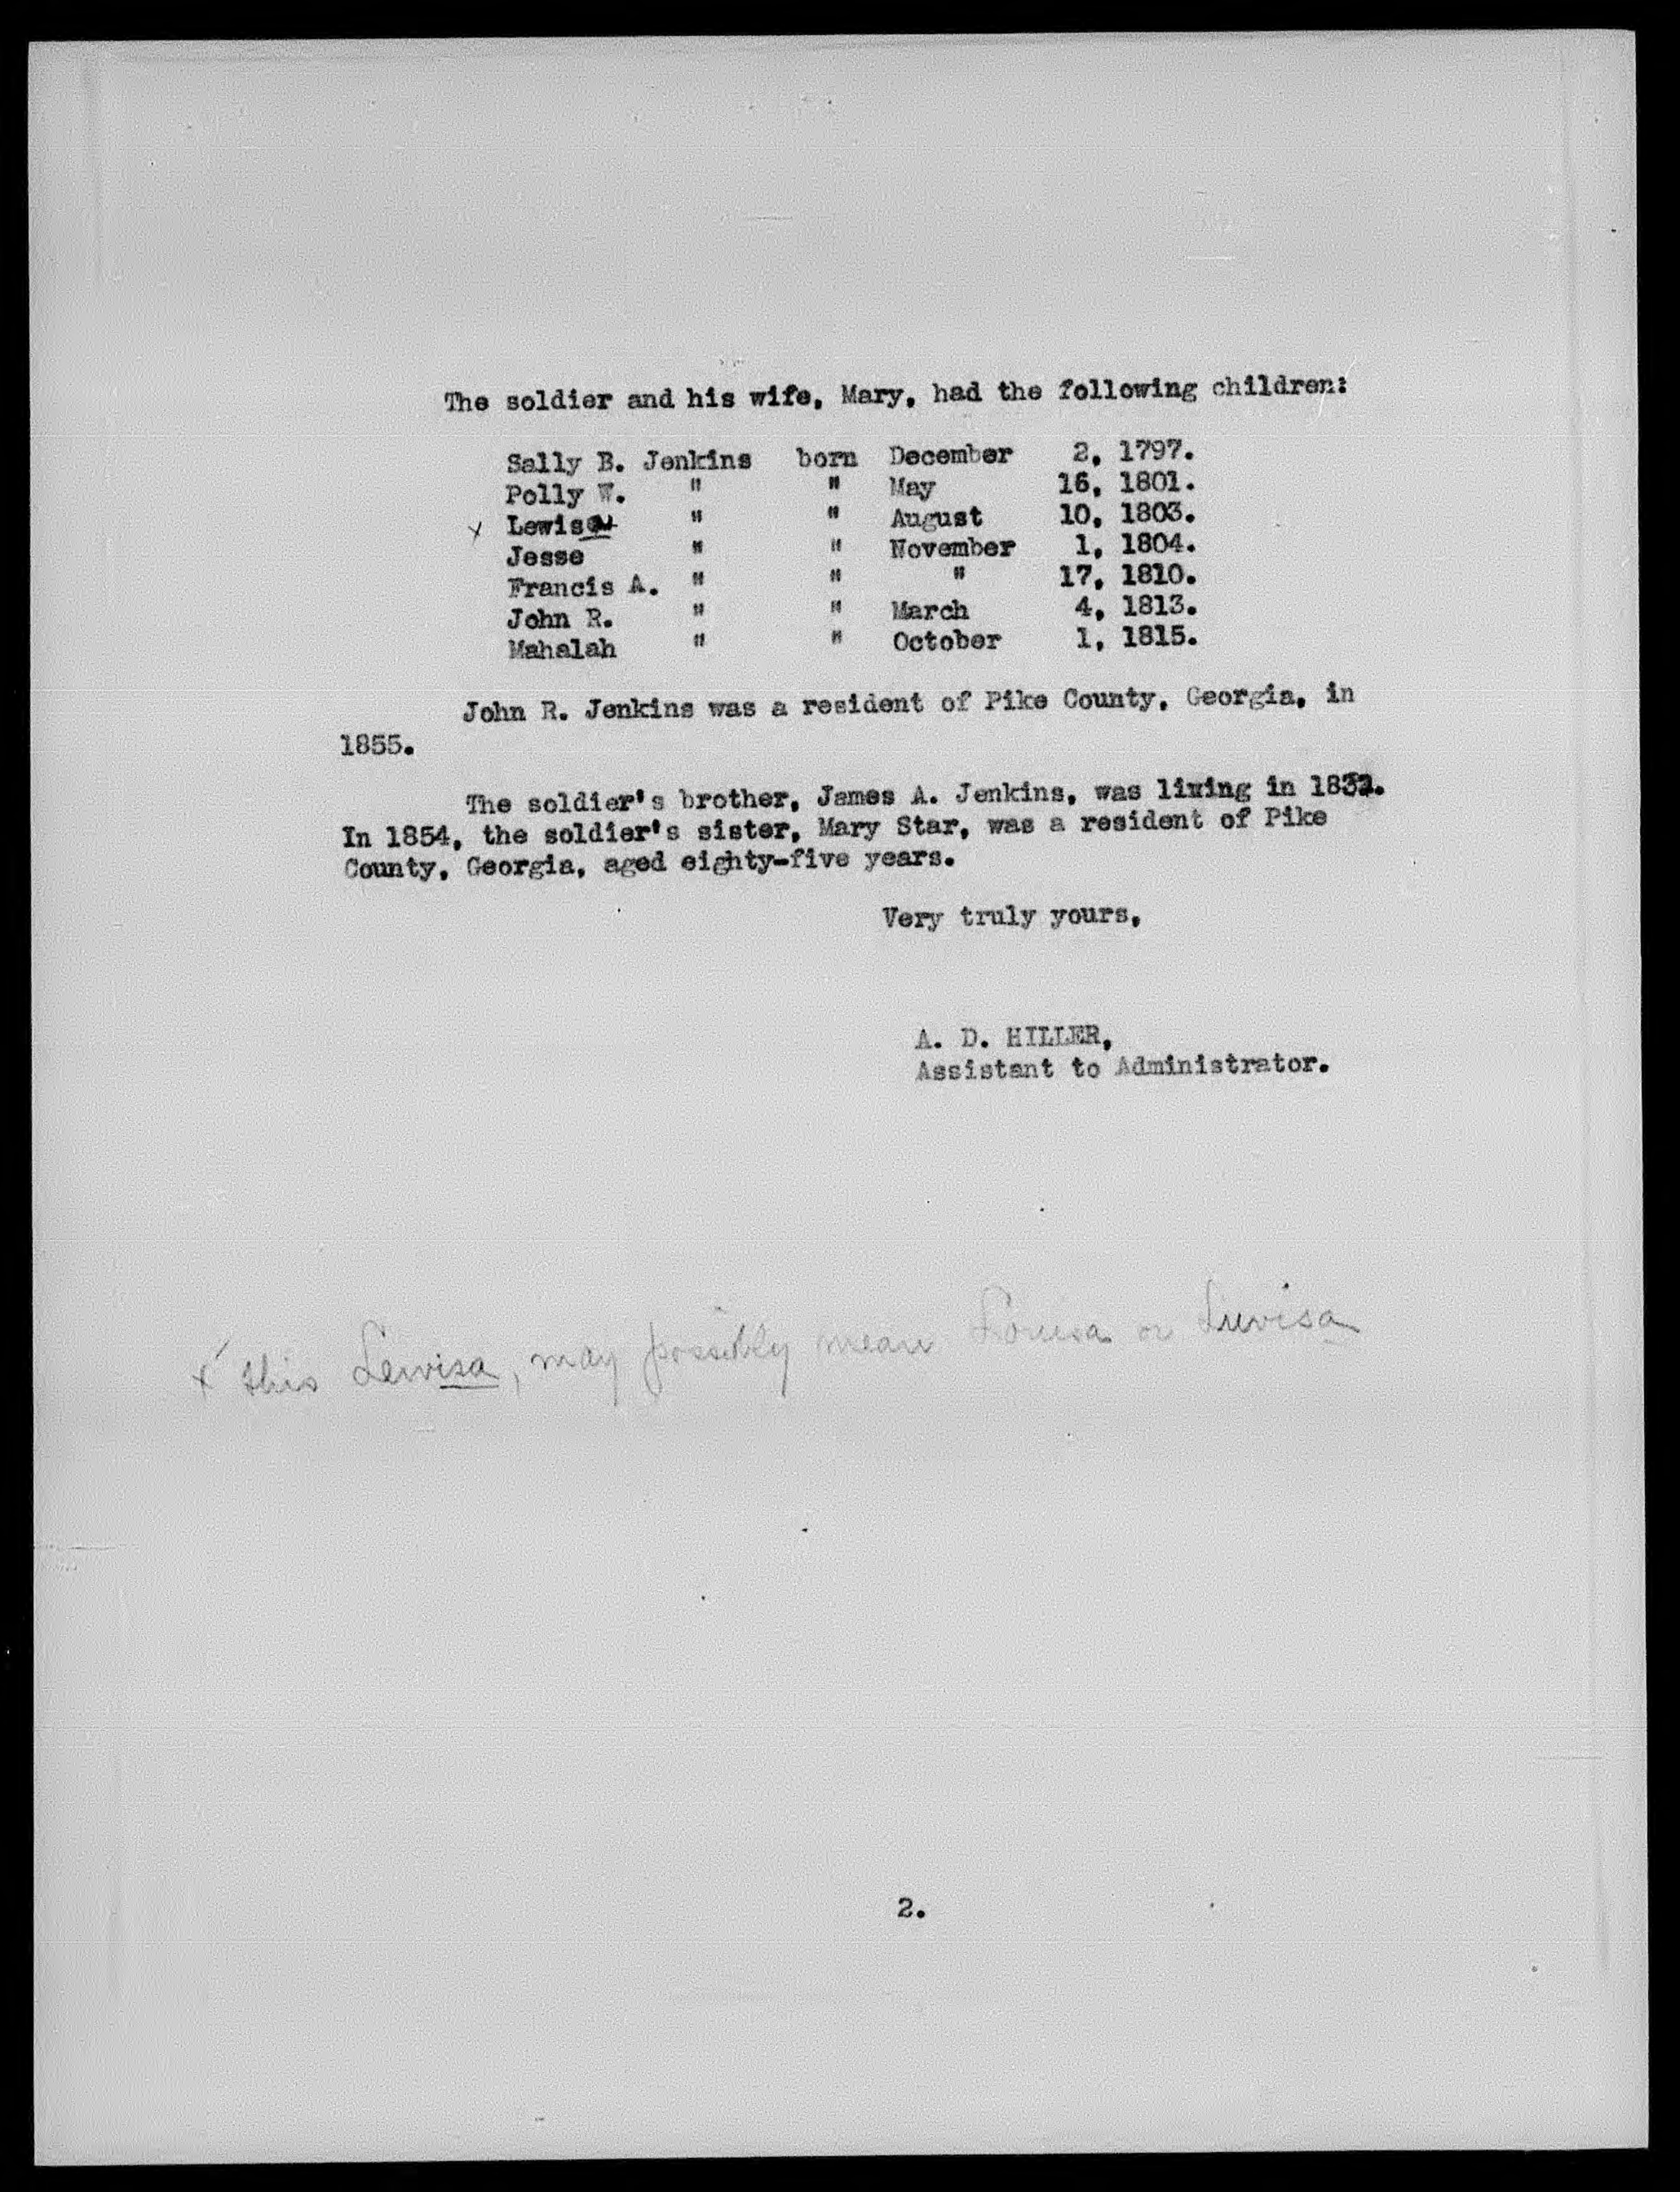The soldier and his wife, Mary, had the following children: Sally B. Jenkins born December 2, 1787. Polly W. " " May 16, 1801.  *Lewisa " " August 10, 1803. Jesse " " November 1, 1804. Francis A. " " November 17, 1810. John R. " " March 4, 1813. Mahalh " " October 1, 1815.
John R. Jenkins was a resident of Pike County, Georgia, in 1855. The The soldier's brother, James A. Jenkins, was living in 1832. In 1854, the soldier's sister, Mary Star, was a resident of Pike
County, Georgia, aged eighty-five years.
Very truly yours,
A. D. HILLER,
Assistant to Administrator.
*This Lewisa, may possibly mean Louisa or Luvisa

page: 25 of 55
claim: widow's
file: W. 7894, for John Jenkins, Virginia